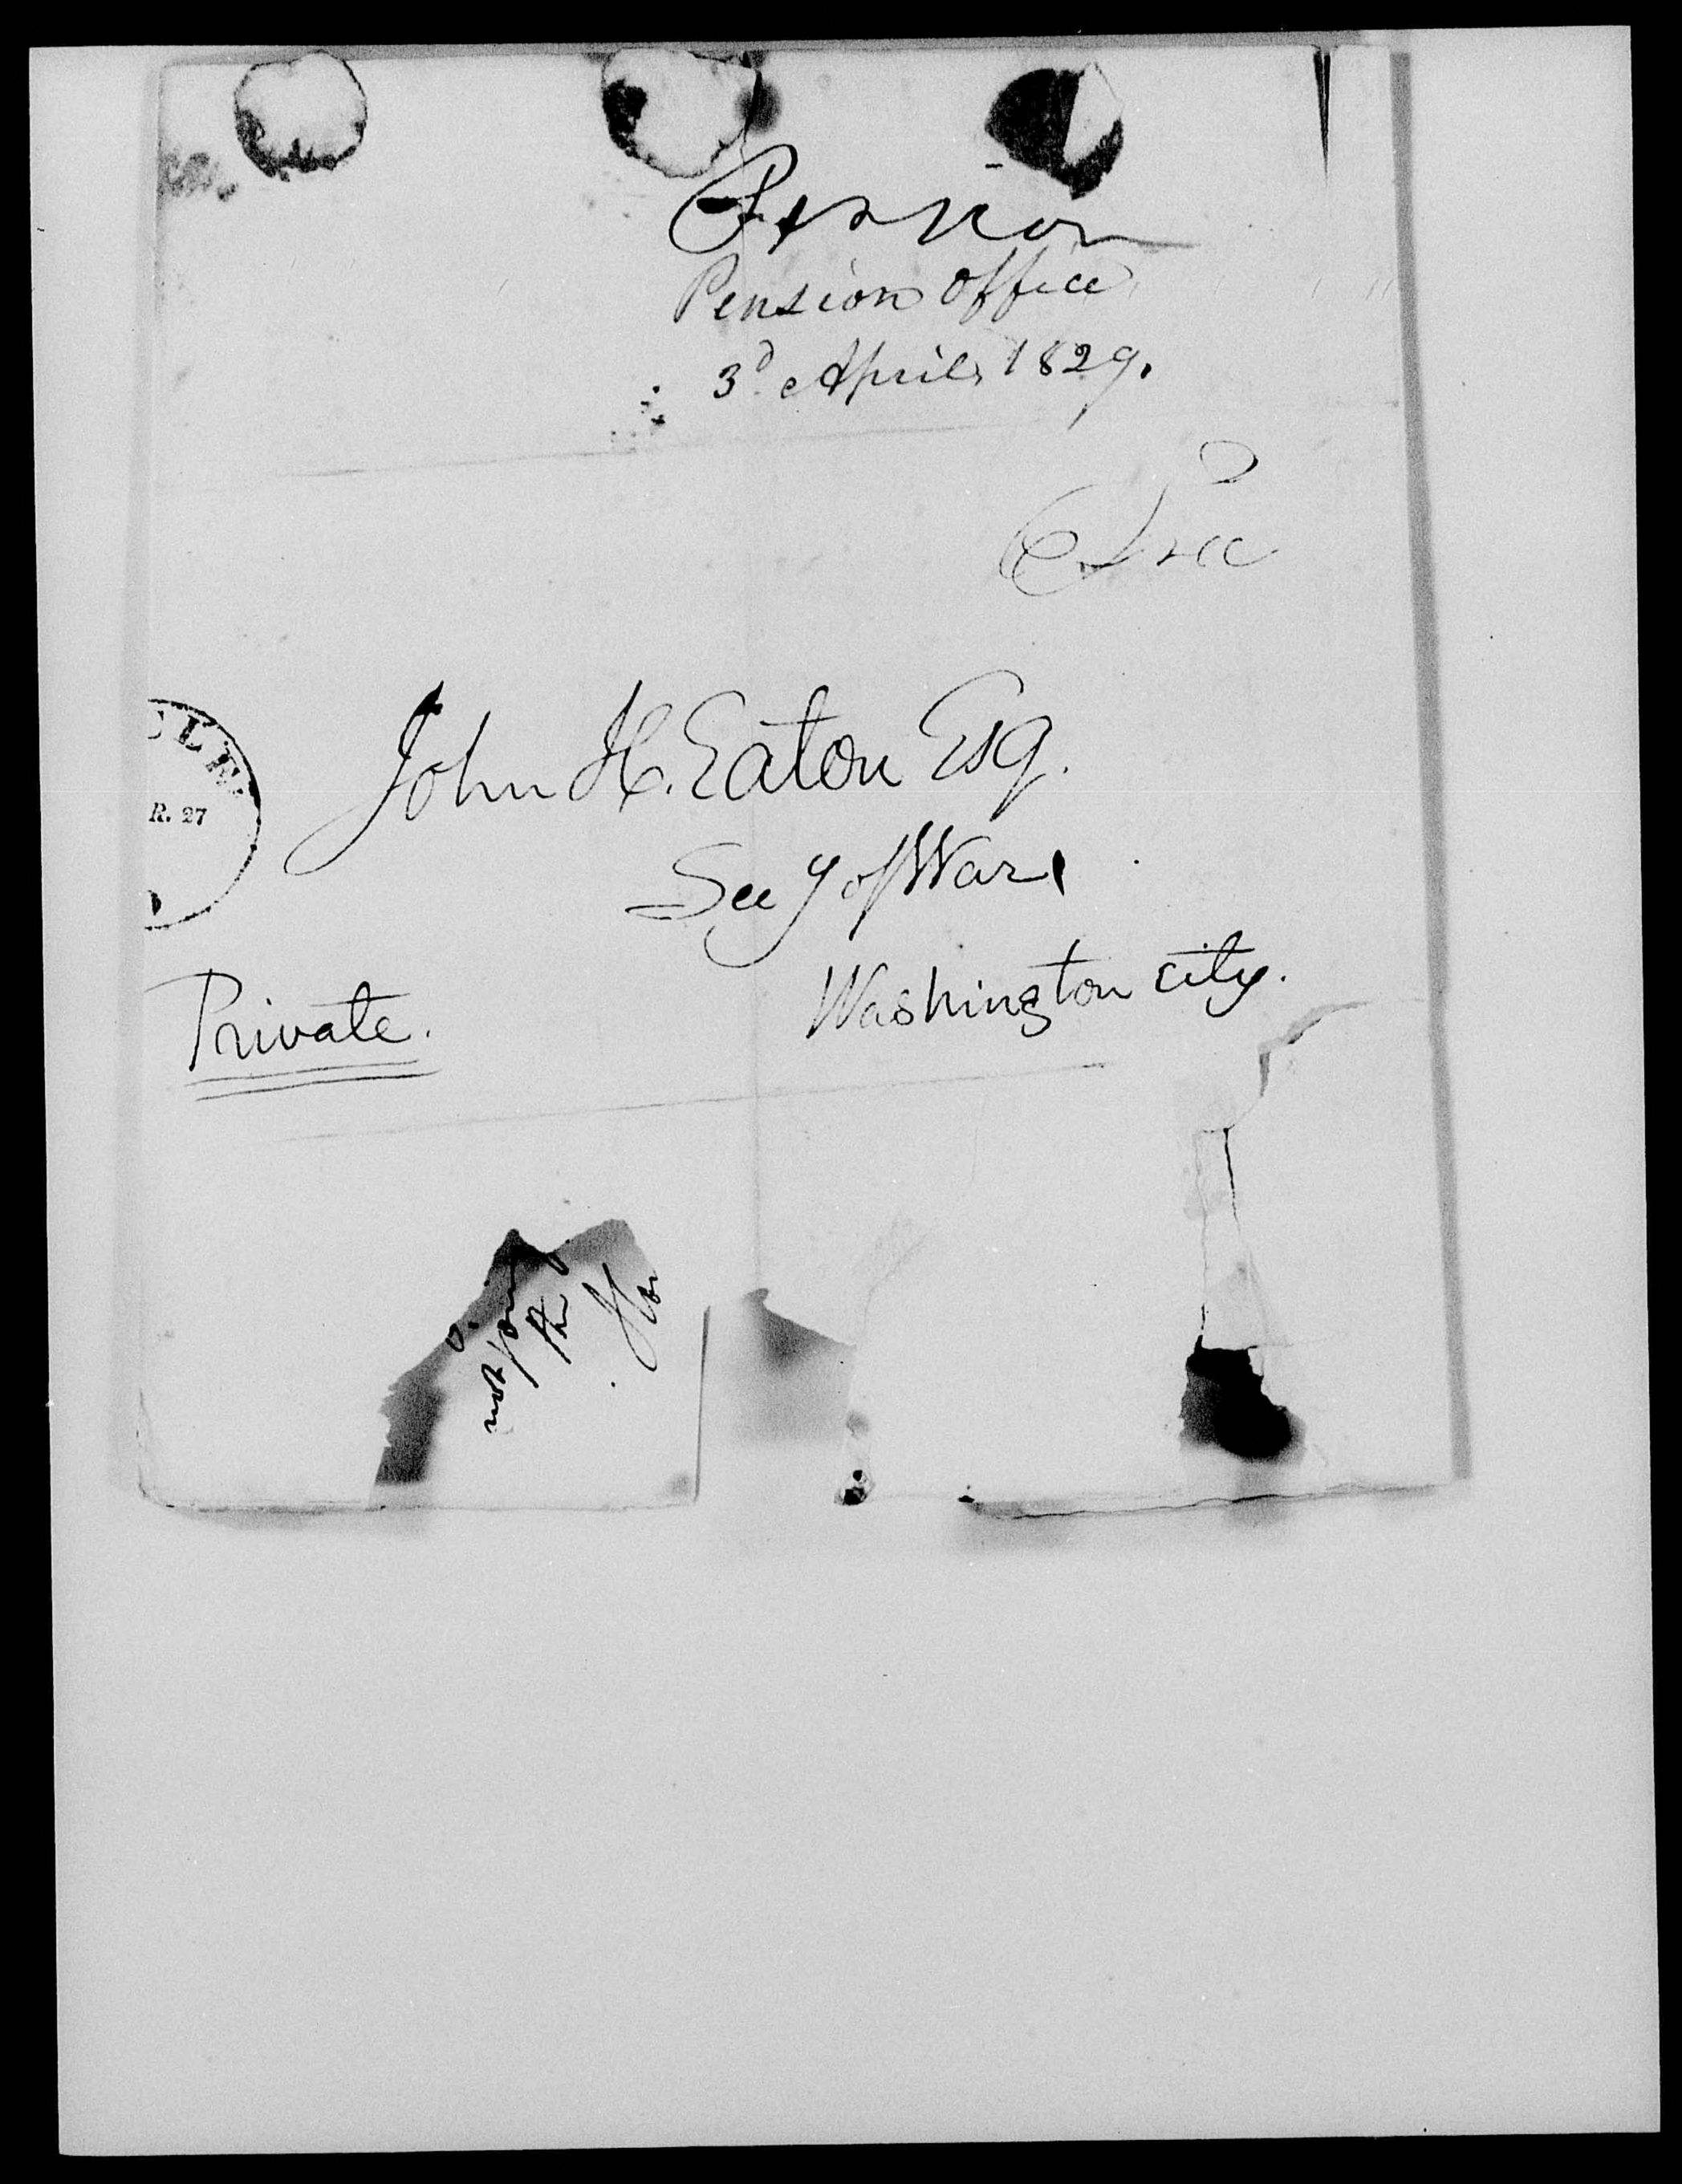Pension
Pension Office
3rd April 1829

John H. Eaton Esq.
Sec'y of War
Washington City

Private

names: John H Eaton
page: 2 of 9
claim: rejected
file: R. 16,627, for John Mummy, Maryland